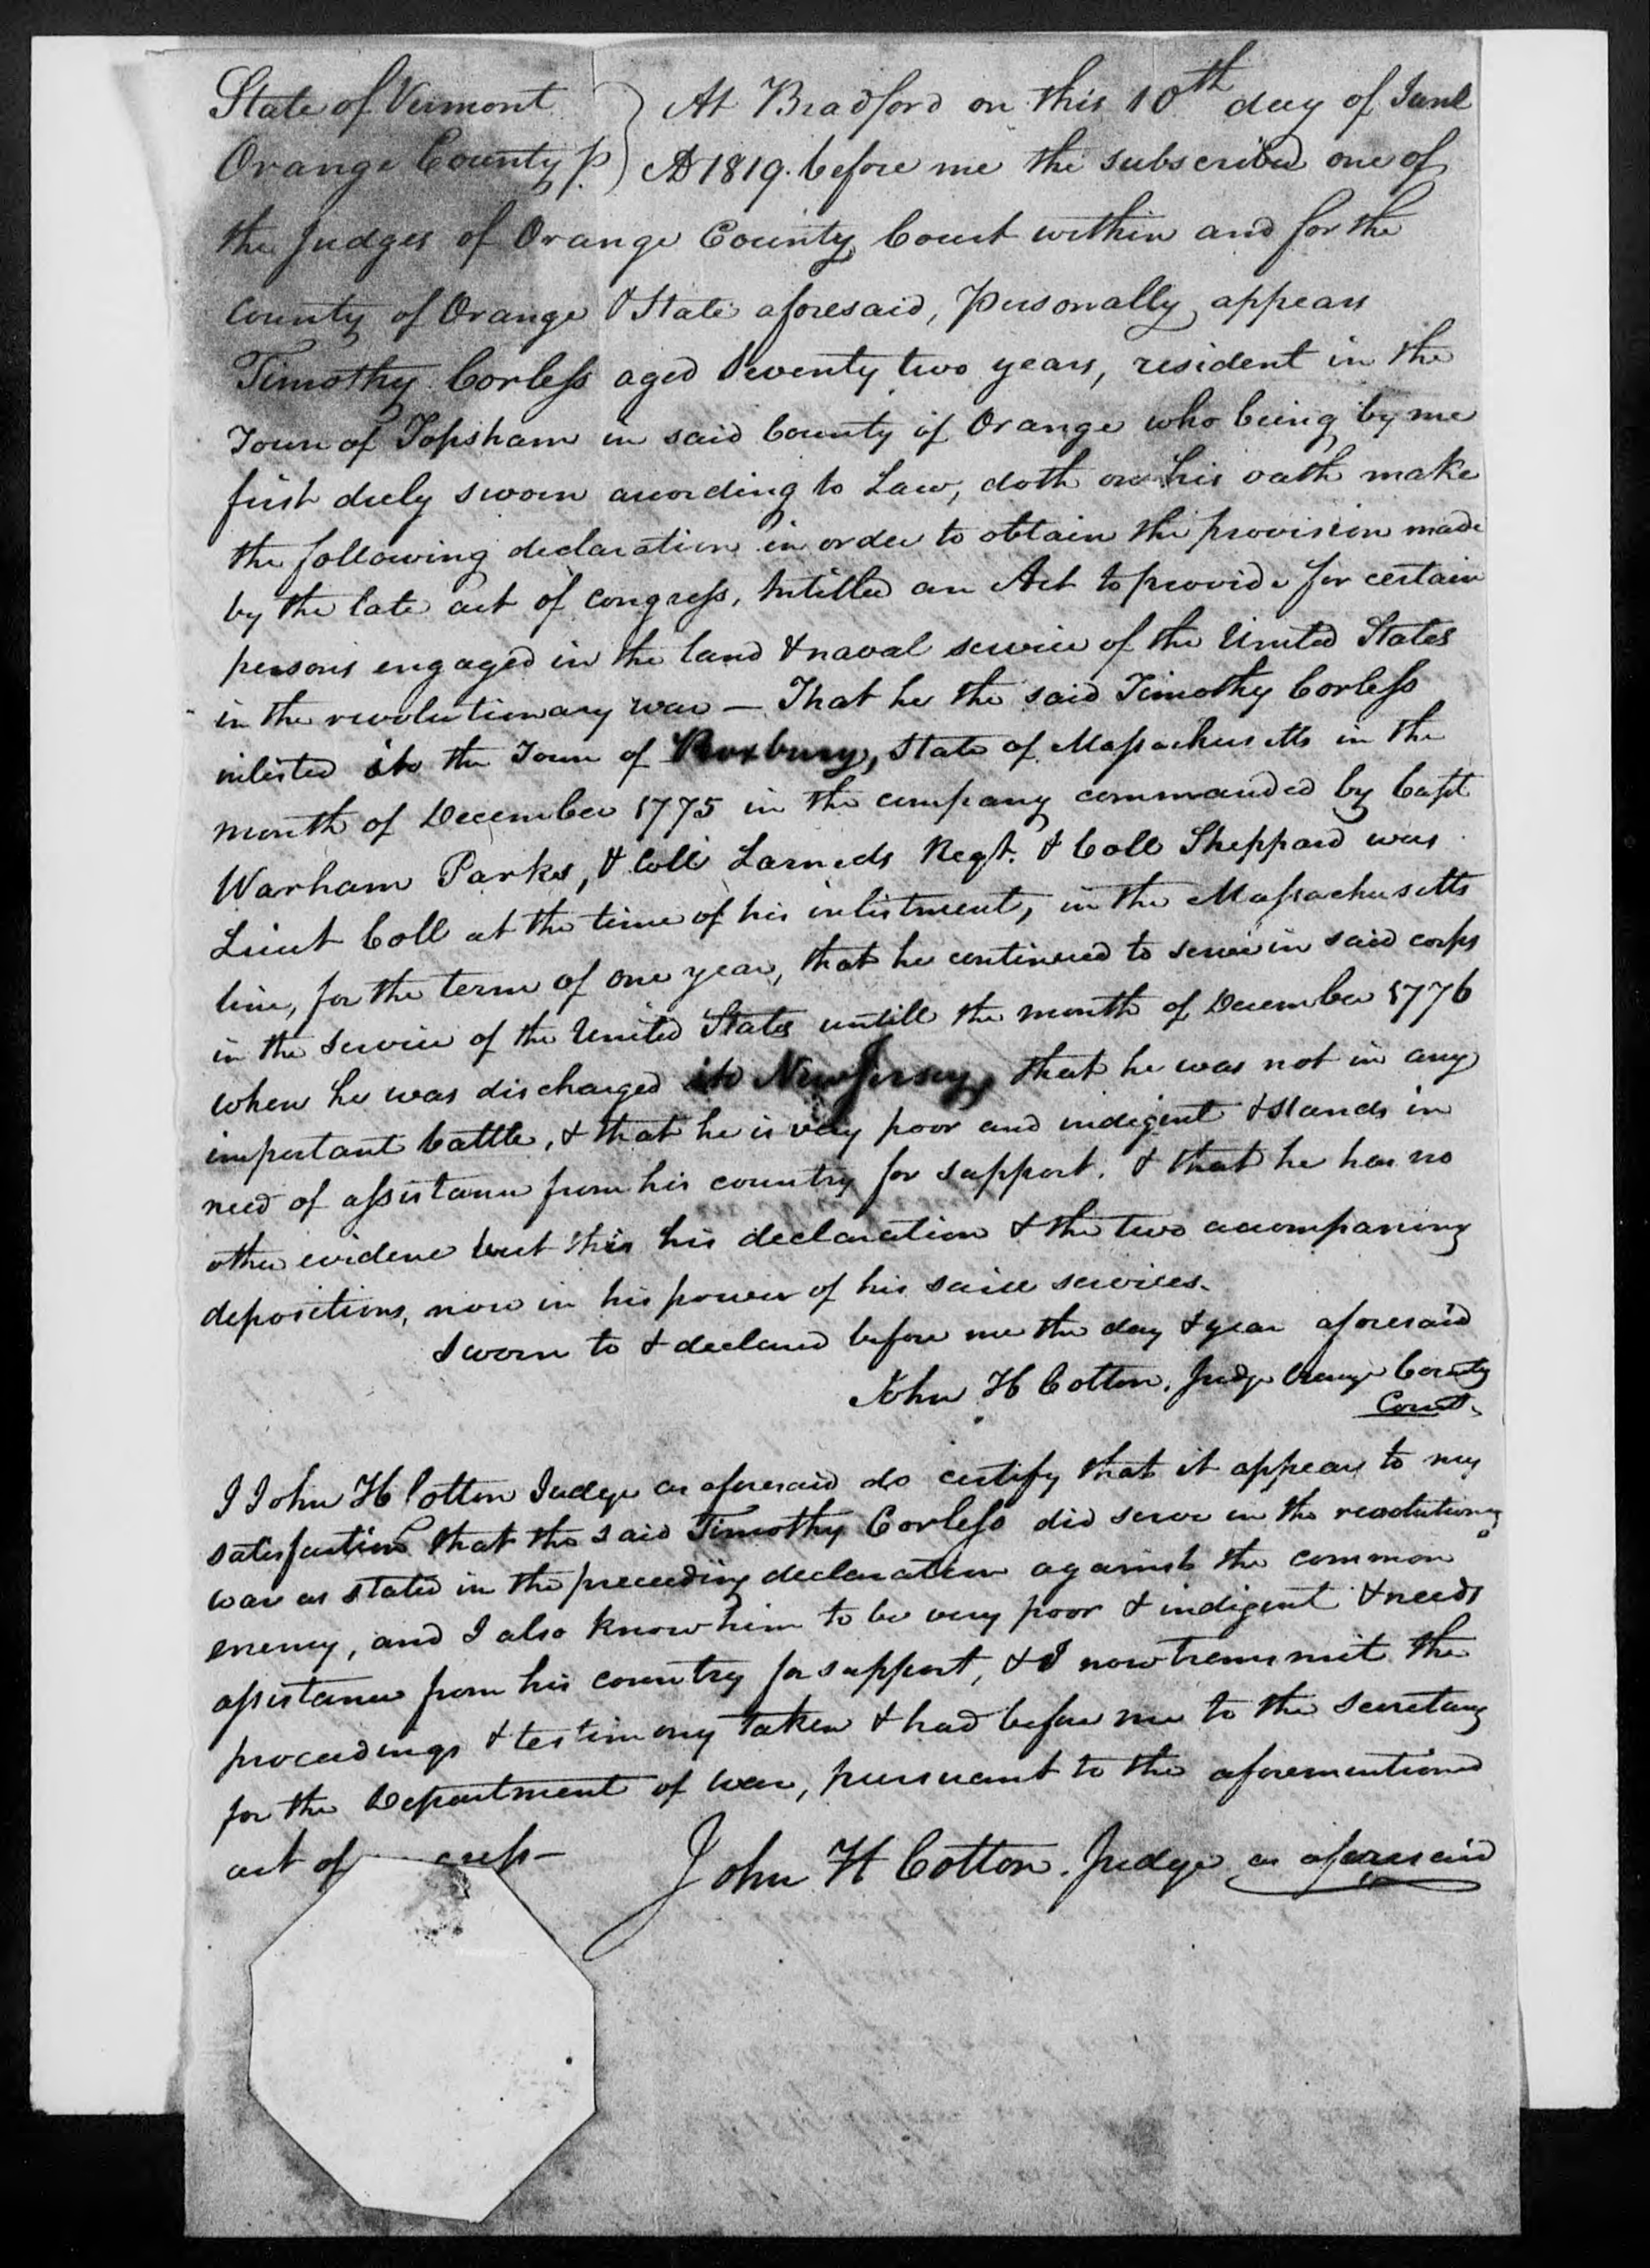State of Vermont Orange County p  At. Bradford on this 10th day of June 1819. Before me the subscriber one of Judges of Orange County Court within and for the County of Orange County State aforesaid, personally appears Timothy  Corless aged seventy two years, resident in the town of Topsham in said County of Orange who being by me  find duly sworn according to Law, doth on his oath make  the following declaration in order to obtain the provision made by the late act of Congress, Initiated an Act to provide for certain persons engaged in the land and naval services of the United States in the revolutionary war  That he the said Timothy Corless enlisted in the town of Roxbury, State of Massachusetts in the month of December 1775 in the company commanded by Captain Warham parks, and Colonel Larneds Regiment and Colonel Sheppard was Lieutenant Colonel at the time of his enlistment, in the Massachusetts line for the term of one year, that he continued to serve in said corps in the service of the United States until the month of December 1776 when he was discharged in New Jersey, that he was not in any important battle, and that he is very poor and indigent and stands in need of assistance from his country for support. And that he has no other evidence but his his declaration of the two accompaning depositions, now in his power of his said services.  Sworn to and declared before me this day and year aforesaid. John H Cotton, Judge Orange County Court.
I John H Cotton Judge on aforesaid do certify that it appears to my satisfaction that the said Timothy Corless did serve in the revolutionary War as stated in the preceding declaration against the common enemy, and I also know him to be very poor and indigent and needs assistance from his country for support. Do now transmit the proceedings and testimony taken and had before me to the Secretary for the Department of War, pursuant to the aforementioned act of Congress. [Signed] John H Cotton. Judge as aforesaid [hexagon seal, bottom left corner blank]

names: John H Cotton, Sheppard, Warham Parks, John H Cotton, Timothy Corless, John H Cotton, Timothy Corless, Timothy Corless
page: 5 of 34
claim: widow's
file: W. 20,896, Timothy Corless, Continental Mass